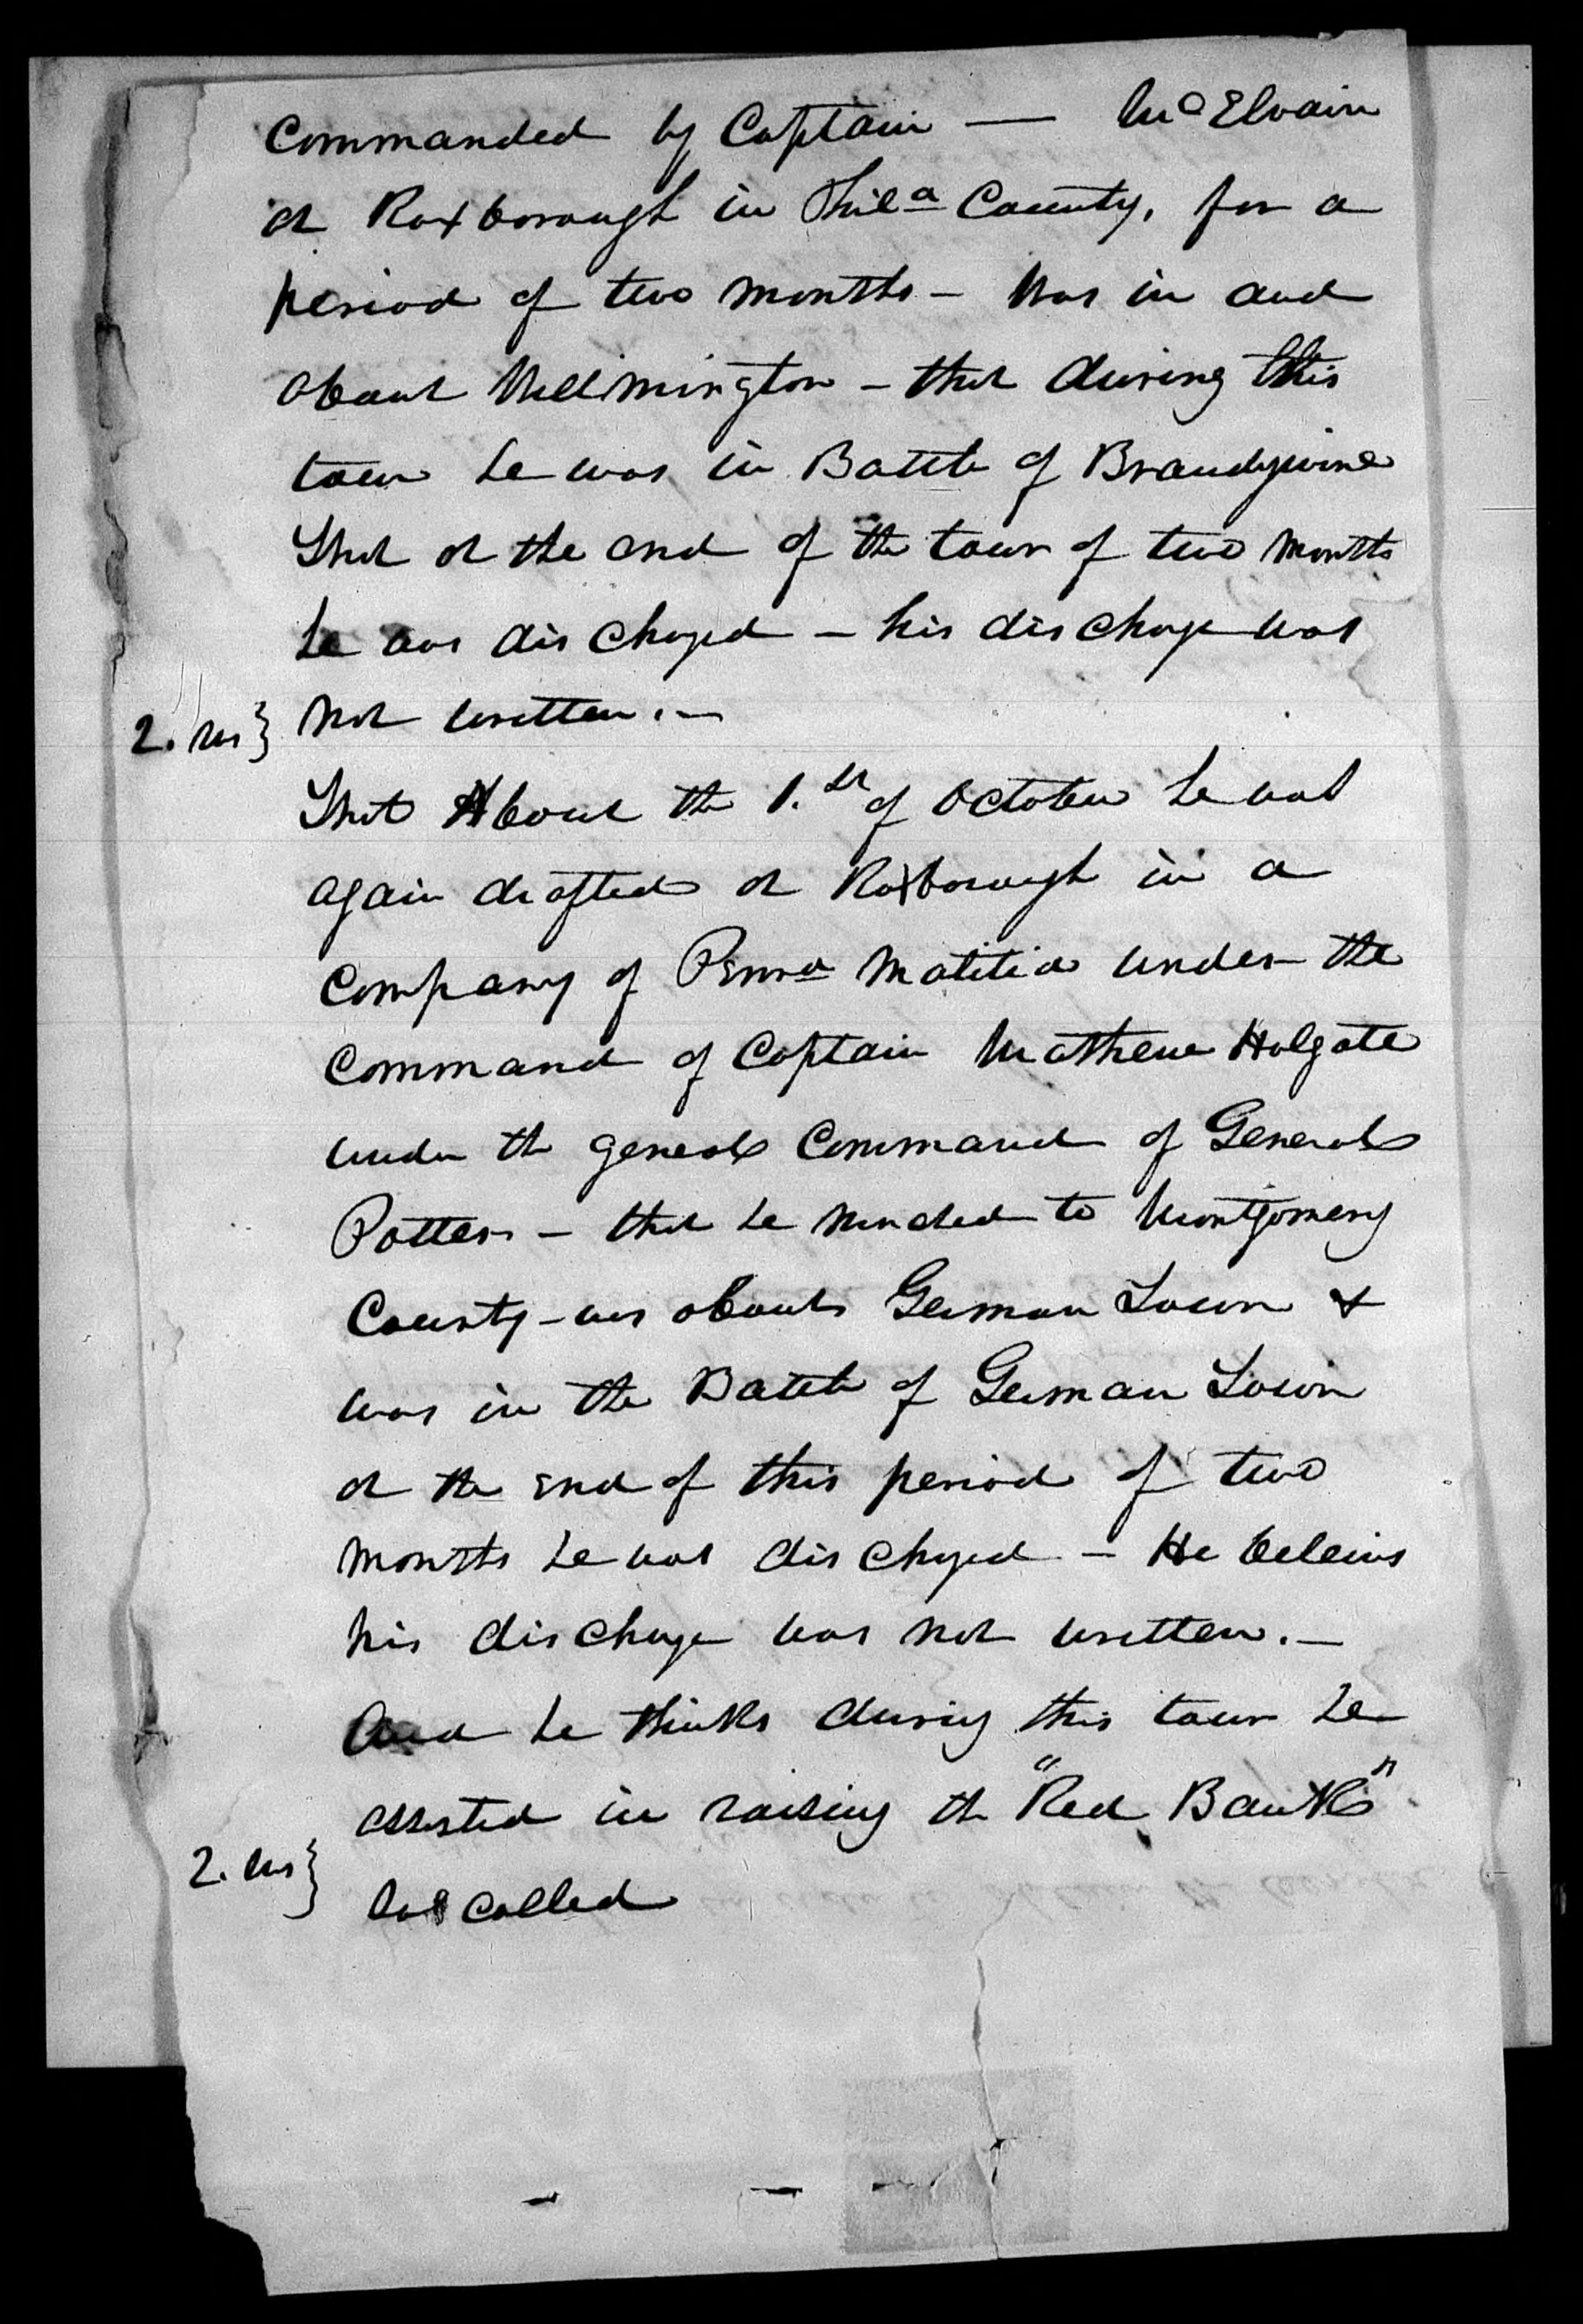Commanded by Captain McElvain of Roxborough in Phil’a County, for a period of two months - was in and about Wilmington - that during this tour he was in Battle of Brandywine That at the end of the tour of two months he was discharged -- his discharge was written   
2 mo.}
That about the 1st of October he was again drafted at Roxborough in a company of Penn’a Malitia under the command of Captain Mathew Holgate under the general command of General Potter - that he marched to Montgomery County – was about German Town & was in the Battle of German Town at the end of this period of two months he was discharged. - He believes his discharge was not written - and he thinks during this tour he assisted in raising the “Red Bank” so called
2 mo}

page: 4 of 31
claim: survivor's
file: S. 6154, for Joseph Sturgis, Pennsylvania